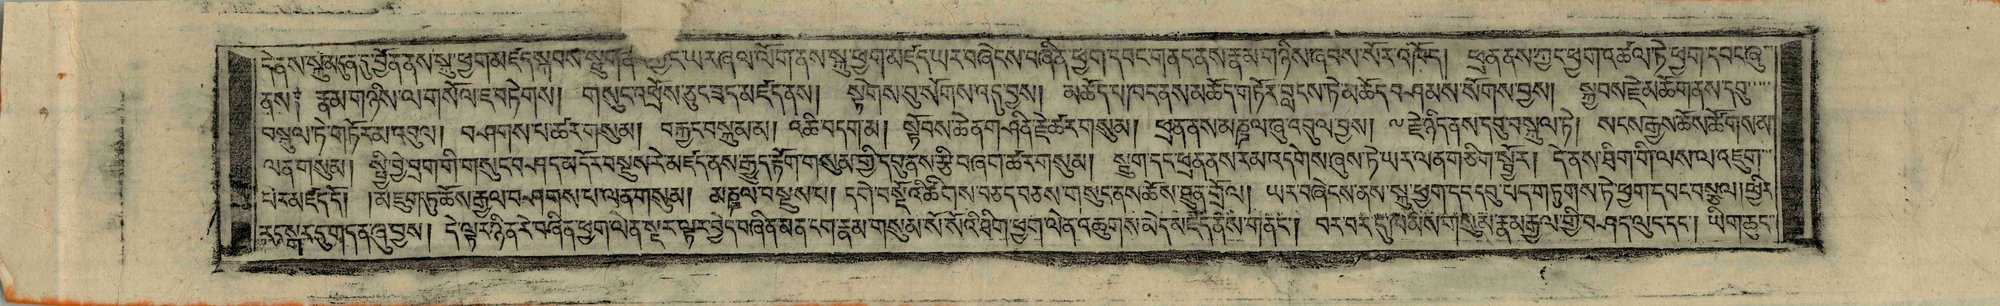དེ་ནས་སྐུ་མདུན་དུ་བྱོན་ནས་སྐུ་ཕྱག་མཛད་སྐབས་སྦུག་ནས་ཀྱང་ཡར་ཞལ་ལོག་ནས་སྐུ་ཕྱག་མཛད་ཡར་བཞེངས་བཞིན་ཕྱག་དབང་གནང་ནས་རྣམ་གཉིས་ཞབས་སོར་འཁོད། ཕྲན་ནས་ཀྱང་ཕྱག་འཚལ་ཏེ་ཕྱག་དབང་ཞུ་
ནས། རྣམ་གཉིས་ལ་གསོལ་ཇ་བཏེགས། གསུང་འཕྲོས་ཅུང་ཟད་མཛད་ནས། སྟེགས་བུ་སོགས་འདུ་བྱས། མཆོད་པ་ཁང་ནས་མཆོད་གཏོར་བླངས་ཏེ་མཆོད་བཤམས་སོགས་བྱས། སྐྱབས་རྗེ་མཆོག་ནས་དབུ་
བསྐུལ་ཏེ་གཏོར་མ་འབུལ། བཤགས་པ་ཚར་གསུམ། བརྐྱང་བསྐུམ་མ། འཆི་བདག་མ། སྟོབས་ཆེན་གཤིན་རྗེ་ཚར་གསུམ། ཕྲན་ནས་མཎྜལ་ཞུ་འབུལ་བྱས། ༧་རྗེ་ཉིད་ནས་དབུ་བསྐུལ་ཏེ། སངས་རྒྱས་ཆོས་ཚོགས་མ་
ལན་གསུམ། སྤྱི་བྱེ་བྲག་གི་གསུང་བཤད་མདོར་བསྡུས་རེ་མཛད་ནས་རྒྱུད་རྟོག་གསུམ་གྱི་དབུ་ནས་རྩི་བཞག་ཚར་གསུམ། སྦུག་དང་ཕྲན་ནས་རམ་འདེགས་ཞུས་ཏེ་ཡར་ལན་གཅིག་སྦྱོར། དེ་ནས་ཐིག་གི་ལས་ལ་འཇུག་
པར་མཛད་དོ། །མཇུག་ཏུ་ཆོས་རྒྱལ་བཤགས་པ་ལན་གསུམ། མཎྜལ་བསྡུས་པ། དགེ་བསྔོའི་ཚིགས་བཅད་བཅས་གསུང་ནས་ཆོས་ཐུན་གྲོལ། ཡར་བཞེངས་ནས་སྐུ་ཕྱག་དང་དབུ་པད་གཏུགས་ཏེ་ཕྱག་དབང་བསྩལ། ཕྱིར་
རང་སྒར་དུ་གདན་ཞུ་བྱས། དེ་ལྟར་ཉིན་རེ་བཞིན་ཕྱག་ལེན་སྔར་ལྟར་བྱེད་བཞིན་མན་ངག་རྣམ་གསུམ་སོ་སོའི་ཐིག་ཕྱག་ལེན་འཆུགས་མེད་མཛད་ནས་གནང་། བར་བར་དུ་ཁམས་གསུམ་རྣམ་རྒྱལ་གྱི་བཤད་ལུང་དང་། ཡིག་ཆུང་